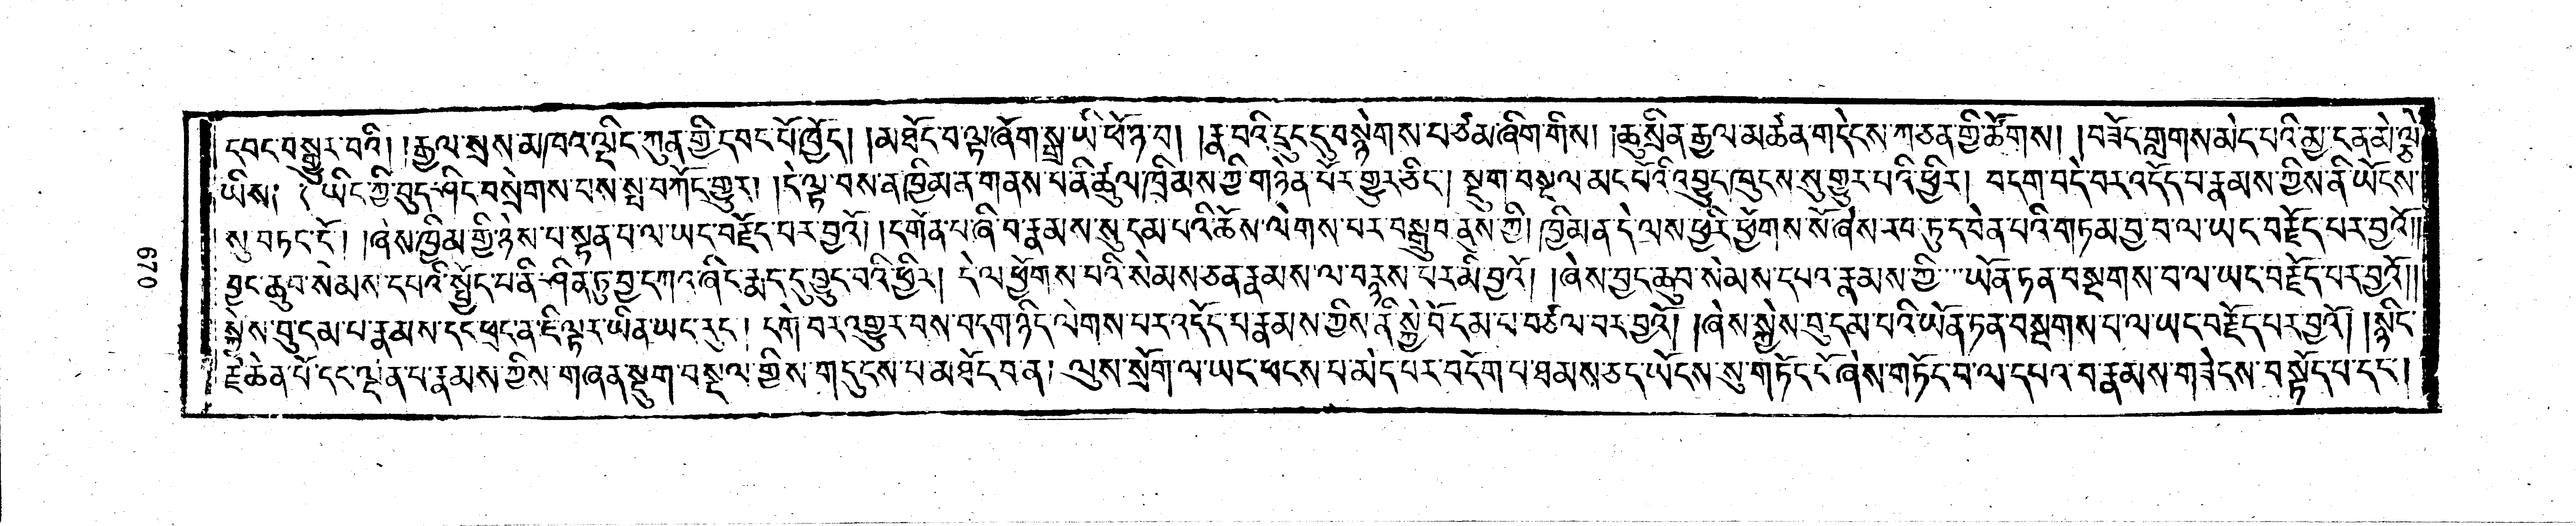དབང་བསྐུར་བའི། །རྒྱལ་སྲས་མཁའ་ལྡིང་ཀུན་གྱི་དབང་པོ་ཁྱོད། །མཐོང་བ་ལྟ་ཞོག་སྒྲ་ཡི་ཕོ་ཉ་བ། །རྣ་བའི་དྲུང་དུ་བསྙེགས་པ་ཙམ་ཞིག་གིས། །ཆུ་སྲིན་རྒྱལ་མཚན་གདེངས་ཀ་ཅན་གྱི་ཚོགས། །བཟོད་གླགས་མེད་པའི་མྱ་ངན་མེ་ལྕེ་
ཡིས། །ཡིད་ཀྱི་བུད་ཤིང་བསྲེགས་པས་སྤ་བཀོང་གྱུར། །དེ་ལྟ་བས་ན་ཁྱིམ་ན་གནས་པ་ནི་ཚུལ་ཁྲིམས་ཀྱི་གཉེན་པོར་གྱུར་ཅིང་། སྡུག་བསྔལ་མང་པོའི་འབྱུང་ཁུངས་སུ་གྱུར་པའི་ཕྱིར། བདག་བདེ་བར་འདོད་པ་རྣམས་ཀྱིས་ནི་ཡོངས་
སུ་བཏང་ངོ། །ཞེས་ཁྱིམ་གྱི་ཉེས་པ་སྟན་པ་ལ་ཡང་བརྗོད་པར་བྱའོ། །དགོན་པ་ཞི་བ་རྣམས་སུ་དམ་པའི་ཆོས་ལེགས་པར་བསྒྲུབ་ནུས་ཀྱི། ཁྱིམ་ན་དེ་ལས་ཕྱིར་ཕྱོགས་སོ་ཞེས་རབ་ཏུ་དབེན་པའི་གཏམ་བྱ་བ་ལ་ཡང་བརྗོད་པར་བྱའོ། །
བྱང་ཆུབ་སེམས་དཔའི་སྤྱོད་པ་ནི་ཤིན་ཏུ་བྱ་དཀའ་ཞིང་རྨད་དུ་བྱུང་བའི་ཕྱིར། དེ་ལ་ཕྱོགས་པའི་སེམས་ཅན་རྣམས་ལ་བརྙེས་པར་མི་བྱའོ། །ཞེས་བྱང་ཆུབ་སེམས་དཔའ་རྣམས་ཀྱིས་ཡོན་ཏན་བསྔགས་པ་ལ་ཡང་བརྗོད་པར་བྱའོ། །
སྐྱེས་བུ་དམ་པ་རྣམས་དང་ཕྲད་ན་ཇི་ལྟར་ཡིན་ཡང་རུང་། དགེ་བར་འགྱུར་བས་བདག་ཉིད་ལེགས་པར་འདོད་པ་རྣམས་ཀྱིས་ནི་སྐྱེ་བོ་དམ་པ་བཙལ་བར་བྱའོ། །ཞེས་སྐྱེས་བུ་དམ་པའི་ཡོན་ཏན་བསྔགས་པ་ལ་ཡང་བརྗོད་པར་བྱའོ། །སྙིང་
རྗེ་ཆེན་པོ་དང་ལྡན་པ་རྣམས་ཀྱིས་གཞན་སྡུག་བསྔལ་གྱིས་གདུངས་བ་མཐོང་བ་ན། ལུས་སྲོག་ལ་ཡང་ཕངས་པ་མེད་པར་བདོག་པ་ཐམས་ཅད་ཡོངས་སུ་གཏོང་ངོ་ཞེས་གཏོང་བ་ལ་དཔའ་བ་རྣམས་གཟེངས་བསྟོད་པ་དང་།